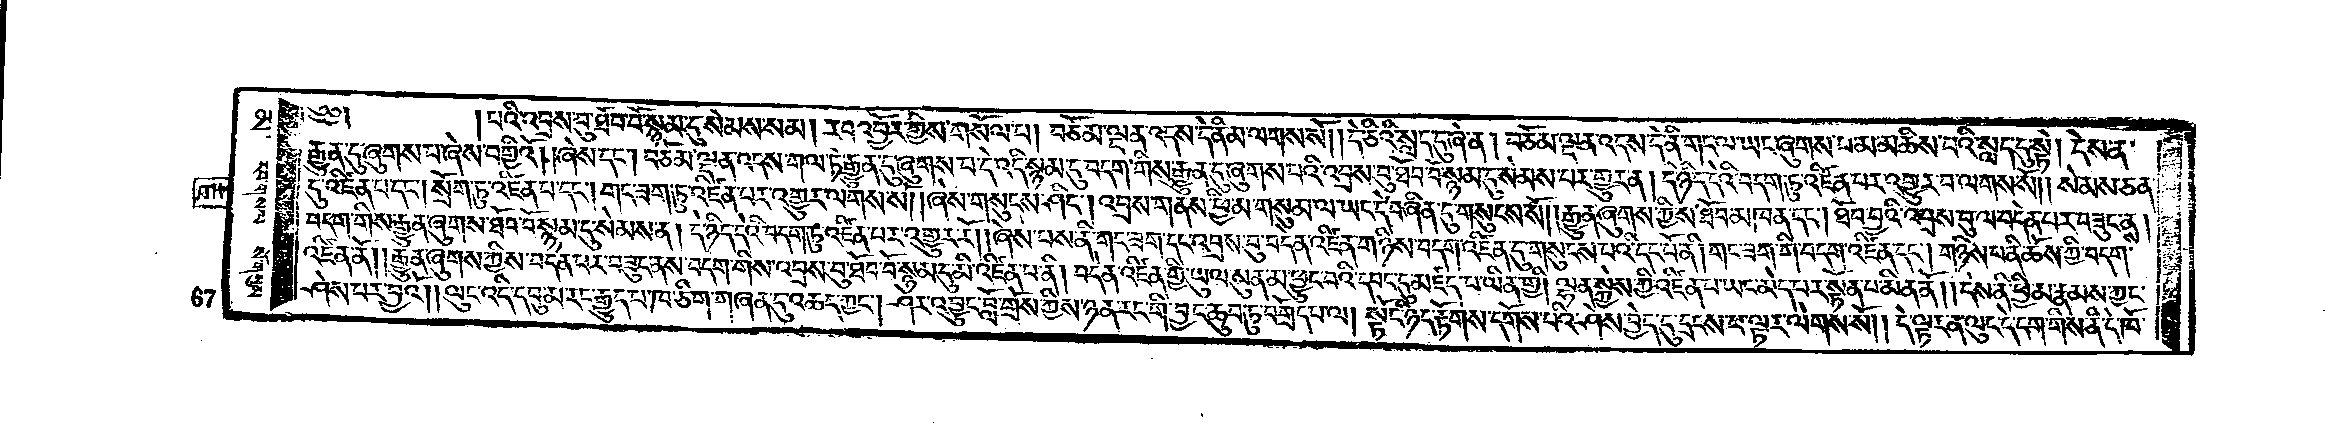༄༅། །པའི་འབྲས་བུ་ཐོབ་བོ་སྙམ་དུ་སེམས་སམ། རབ་འབྱོར་གྱིས་གསོལ་པ། བཅོམ་ལྡན་འདས་དེ་ནི་མ་ལགས་སོ། །དེ་ཅིའི་སླད་དུ་ཞེ་ན། བཅོམ་ལྡན་འདས་དེ་ནི་གང་ལ་ཡང་ཞུགས་པ་མ་མཆིས་པའི་སླད་དུ་སྟེ། དེས་ན་
རྒྱུན་དུ་ཞུགས་པ་ཞེས་བགྱིའོ། །ཞེས་དང་། བཅོམ་ལྡན་འདས་གལ་ཏེ་རྒྱུན་དུ་ཞུགས་པ་དེ་འདི་སྙམ་དུ་བདག་གིས་རྒྱུན་དུ་ཞུགས་པའི་འབྲས་བུ་ཐོབ་བོ་སྙམ་དུ་སེམས་པར་གྱུར་ན། དེ་ཉིད་དེའི་བདག་ཏུ་འཛིན་པར་འགྱུར་བ་ལགས་སོ། །སེམས་ཅན་
དུ་འཛིན་པ་དང་། སྲོག་ཏུ་འཛིན་པ་དང་། གང་ཟག་ཏུ་འཛིན་པར་འགྱུར་ལགས་སོ། །ཞེས་གསུངས་ཤིང་། འབྲས་གནས་ཕྱི་མ་གསུམ་ལ་ཡང་དེ་བཞིན་དུ་གསུངས་སོ། །རྒྱུན་ཞུགས་ཀྱི་ས་ཐོབ་མཁན་དང་། ཐོབ་བྱའི་འབྲས་བུ་ལ་བདེན་པར་བཟུང་ནས།
བདག་གིས་རྒྱུན་ཞུགས་ཐོབ་བོ་སྙམ་དུ་སེམས་ན། དེ་ཉིད་དེའི་བདག་ཏུ་འཛིན་པར་འགྱུར་རོ། །ཞེས་པས་ནི་གང་ཟག་དང་འབྲས་བུ་བདེན་འཛིན་གཉིས་བདག་འཛིན་དུ་གསུངས་པའི་དང་པོ་ནི། གང་ཟག་གི་བདག་འཛིན་དང་། གཉིས་པ་ནི་ཆོས་ཀྱི་བདག་
འཛིན་ནོ། །རྒྱུན་ཞུགས་ཀྱིས་བདེན་པར་བཟུང་ནས་བདག་གིས་འབྲས་བུ་ཐོབ་བོ་སྙམ་དུ་མི་འཛིན་པ་ནི། བདེན་འཛིན་གྱི་ཡུལ་སུན་མ་ཕྱུང་བའི་དབང་དུ་མཛད་པ་ཡིན་གྱི། ལྷན་སྐྱེས་ཀྱི་འཛིན་པ་ཡང་མེད་པར་སྟོན་པ་མིན་ནོ། །དེས་ནི་ཕྱི་མ་རྣམས་ཀྱང་
ཤེས་པར་བྱའོ། །ལུང་འདི་དབུ་མ་རང་རྒྱུད་པ་ཁ་ཅིག་གཞན་དུ་འཆད་ཀྱང་། ཤེར་འབྱུང་བློ་གྲོས་ཀྱིས་ཉན་རང་གི་བྱང་ཆུབ་ཏུ་བགྲོད་པ་ལ། སྟོང་ཉིད་རྟོགས་དགོས་པའི་ཤེས་བྱེད་དུ་དྲངས་པ་ལྟར་ལེགས་སོ། །དེ་ལྟར་ན་ལུང་དེ་དག་གིས་ནི་དེ་ཁོ་